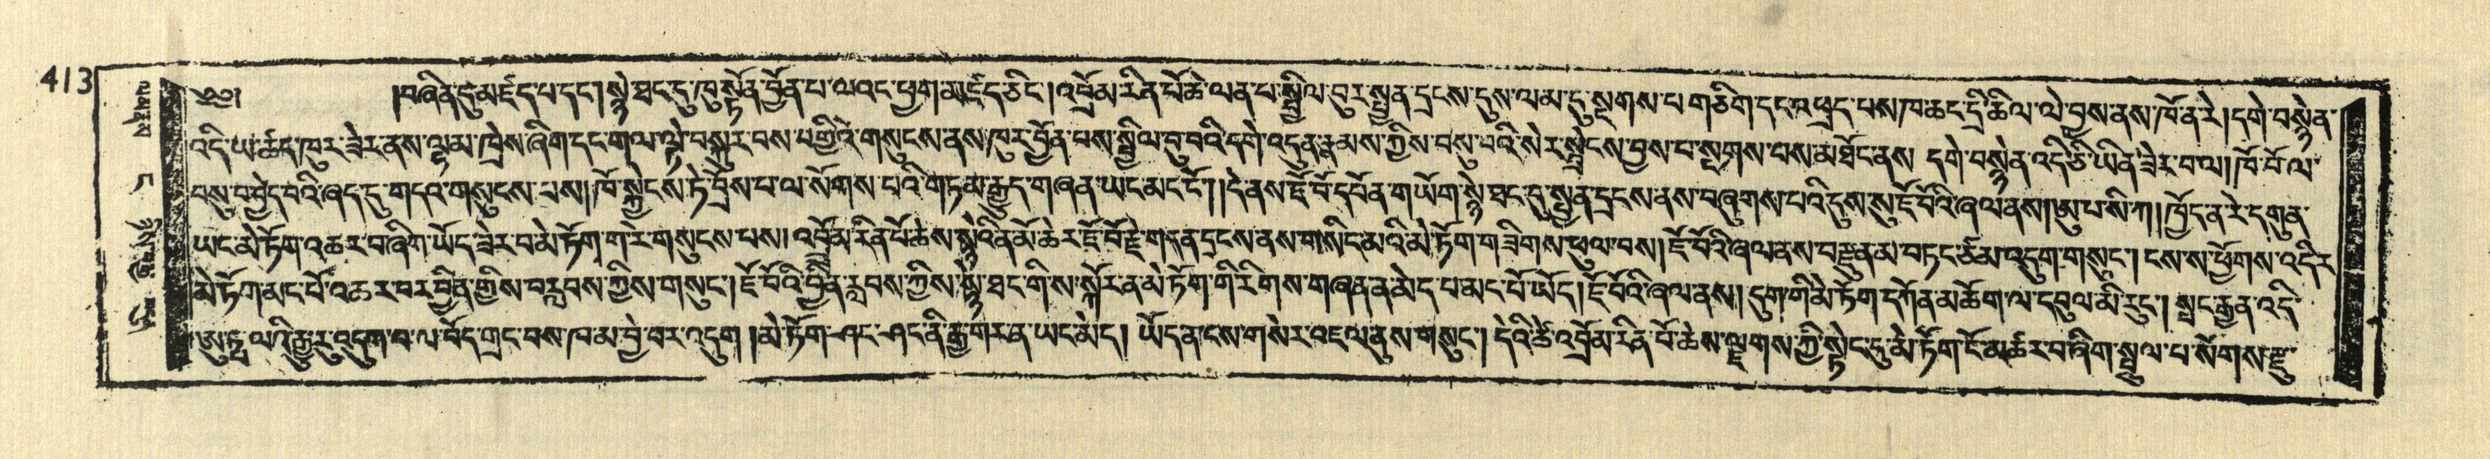༄༅། །བཞིན་དུ་མཛད་པ་དང་། སྙེ་ཐང་དུ་ཁུ་སྟོན་བྱོན་པ་ལའང་ཕྱག་མཛད་ཅིང་། འབྲོམ་རིན་པོ་ཆེ་ལན་པ་སྤྱིལ་བུར་སྤྱན་དྲངས་དུས་ལམ་དུ་སྔགས་པ་གཅིག་དང་འཕྲད་པས་ཁ་ཆང་དྲི་ཆིལ་ལེ་བྱས་ནས་ཁོ་ན་རེ། དགེ་བསྙེན་
འདི་ཡ་ཚད་ཁུར་ཟེར་ནས་ལྷམ་ཁྲེས་ཞིག་དང་གལ་ལྟེ་བསྐུར་བས་བགྱིའོ་གསུངས་ནས་ཁུར་བྱོན་པས་སྤྱིལ་བུ་བའི་དགེ་འདུན་རྣམས་ཀྱིས་བསུ་བའི་སེར་སྦྲེངས་བྱས་པ་སྔགས་པས་མཐོང་ནས་དགེ་བསྙེན་འདི་ཅི་ཡིན་ཟེར་བ་ལ། ཁོ་བོ་ལ་
བསུ་བ་བྱེད་བའི་ཞད་དུ་གདའ་གསུངས་པས། ཁོ་སྐྱེངས་ཏེ་བྲོས་པ་ལ་སོགས་པའི་གཏམ་རྒྱུད་གཞན་ཡང་མང་ངོ། །དེ་ནས་ཇོ་བོ་དཔོན་གཡོག་སྙེ་ཐང་དུ་སྤྱན་དྲངས་ནས་བཞུགས་པའི་དུས་སུ་ཇོ་བོའི་ཞལ་ནས། ཨུ་པ་སི་ཀ། ཁྱོད་ན་རེ་དགུན་
ཡང་མེ་ཏོག་འཆར་བ་ཞིག་ཡོད་ཟེར་བ་མེ་ཏོག་ག་རེ་གསུངས་པས། འབྲོམ་རིན་པོ་ཆེས་སྙེའི་ན་མོ་ཆེར་ཇོ་བོ་རྗེ་གདན་དྲངས་ནས་གསིང་མའི་མེ་ཏོག་གཟིགས་ཕུལ་བས། ཇོ་བོའི་ཞལ་ནས་བརྫུན་མ་བཏང་ཙམ་འདུག་གསུང་། ངས་ས་ཕྱོགས་འདིར་
མེ་ཏོག་མང་པོ་འཆར་བར་བྱིན་གྱིས་རླབས་ཀྱིས་གསུང་། ཇོ་བོའི་བྱིན་རླབས་ཀྱིས་སྙེ་ཐང་གིས་སྐོར་ན་མེ་ཏོག་གི་རིགས་གཞན་ན་མེད་པ་མང་པོ་ཡོད། ཇོ་བོའི་ཞལ་ནས། དུག་གི་མེ་ཏོག་དཀོན་མཆོག་ལ་དབུལ་མི་རུང་། སྤང་རྒྱན་འདི་
ཨུཏྤ་ལའི་རྒྱུ་རུ་འདུག་བ་ལ་བོད་གྲང་བས་ཁ་མ་བྱེ་བར་འདུག །མེ་ཏོག་ཤང་ཤང་ནི་རྒྱ་གར་ན་ཡང་མེད། ཡོད་ན་ངས་གསེར་འཇལ་ནུས་གསུང་། དེའི་ཚེ་འབྲོམ་རིན་པོ་ཆེས་ལྗགས་ཀྱི་སྟེང་དུ་མེ་ཏོག་ངོ་མཚར་བ་ཞིག་སྤྲུལ་པ་སོགས་རྫུ་